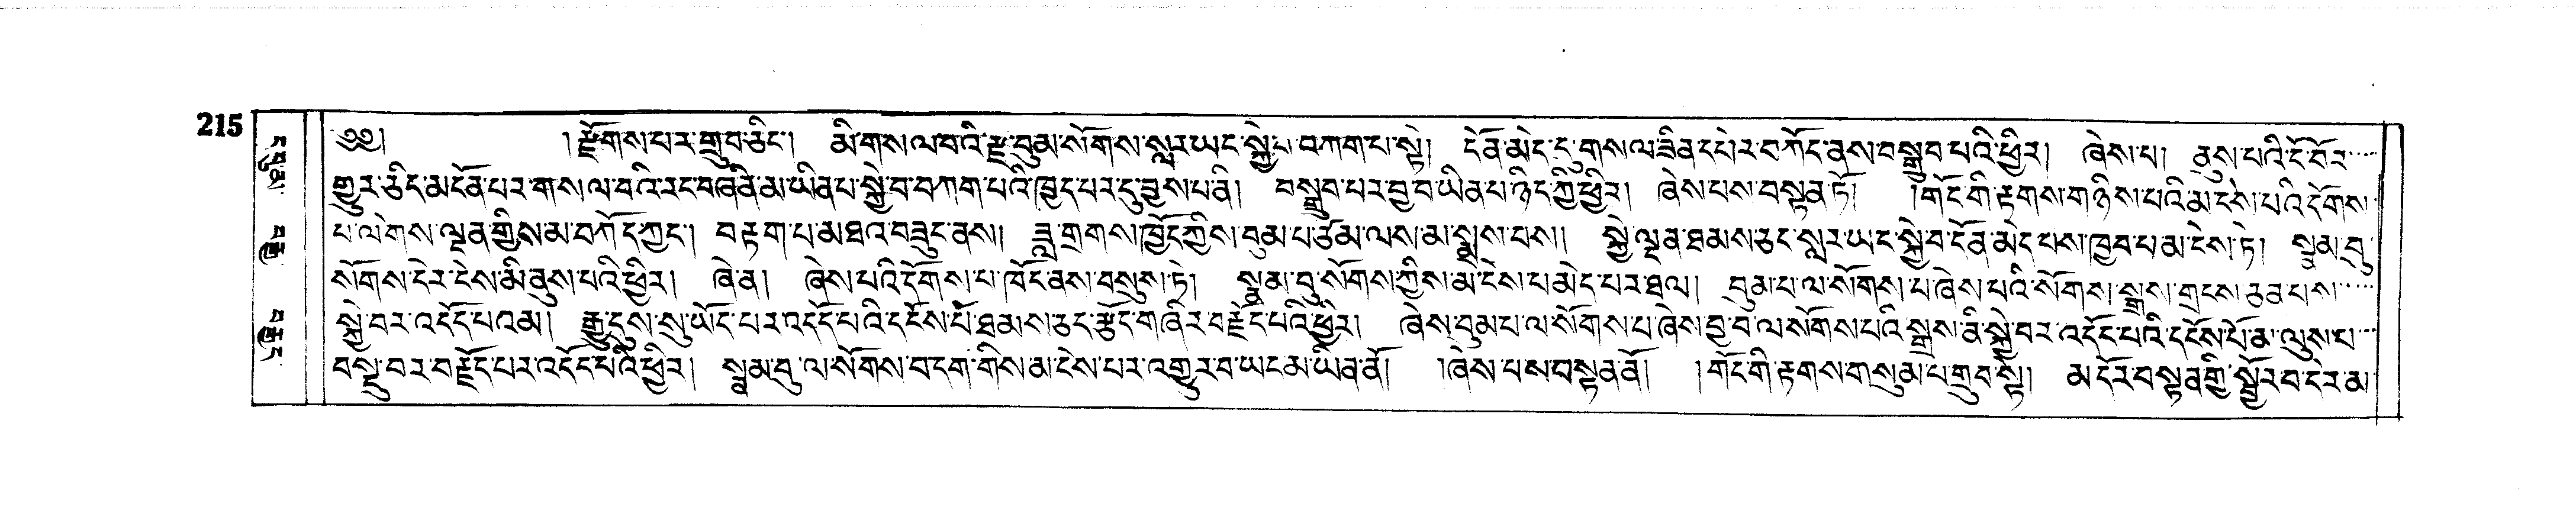༄༅། །རྫོགས་པར་གྲུབ་ཅིང་། མི་གསལ་བའི་རྫ་བུམ་སོགས་སླར་ཡང་སྐྱེ་བ་བཀག་པ་སྟེ། དོན་མེད་དུ་གསལ་ཟིན་དཔེར་བཀོད་ནས་བསྒྲུབ་པའི་ཕྱིར། ཞེས་པ། ནུས་པའི་ངོ་བོར་
གྱུར་ཅིང་མངོན་པར་གསལ་བའི་རང་བཞིན་མ་ཡིན་པ་སྐྱེ་བ་བཀག་པའི་ཁྱད་པར་དུ་བྱས་པ་ནི། བསྒྲུབ་པར་བྱ་བ་ཡིན་པ་ཉིད་ཀྱི་ཕྱིར། ཞེས་པས་བསྟན་ཏོ། །གོང་གི་རྟགས་གཉིས་པའི་མ་ངེས་པའི་དོགས་
པ་ལེགས་ལྡན་གྱིས་མ་བཀོད་ཀྱང་། བརྟག་པ་མཐའ་བཟུང་ནས། ཟླ་གྲགས་ཁྱོད་ཀྱིས་བུམ་པ་ཙམ་ལས་མ་སྨྲས་པས། སྐྱེ་ལྡན་ཐམས་ཅད་སླར་ཡང་སྐྱེ་བ་དོན་མེད་པས་ཁྱབ་པ་མ་ངེས་ཏེ། སྣམ་བུ་
སོགས་དེར་ངེས་མི་ནུས་པའི་ཕྱིར། ཞེ་ན། ཞེས་པའི་དོགས་པ་ཁོང་ནས་བསུས་ཏེ། སྣམ་བུ་སོགས་ཀྱིས་མ་ངེས་པ་མེད་པར་ཐལ། བུམ་པ་ལ་སོགས་པ་ཞེས་པའི་སོགས་སྒྲས་གྲངས་ཅན་པས་
སྐྱེ་བར་འདོད་པའམ། རྒྱུ་དུས་སུ་ཡོད་པར་འདོད་པའི་དངོས་པོ་ཐམས་ཅད་རྩོད་གཞིར་བརྗོད་པའི་ཕྱིར། ཞེས་བུམ་པ་ལ་སོགས་པ་ཞེས་བྱ་བ་ལ་སོགས་པའི་སྒྲས་ནི་སྐྱེ་བར་འདོད་པའི་དངོས་པོ་མ་ལུས་པ་
བསྡུ་བར་བརྗོད་པར་འདོད་པའི་ཕྱིར། སྣམ་བུ་ལ་སོགས་པ་དག་གིས་མ་ངེས་པར་འགྱུར་བ་ཡང་མ་ཡིན་ནོ། །ཞེས་པས་བསྟན་ནོ། །གོང་གི་རྟགས་གསུམ་པ་གྲུབ་སྟེ། མདོར་བསྟན་གྱི་སྦྱོར་བ་དེར་མ་